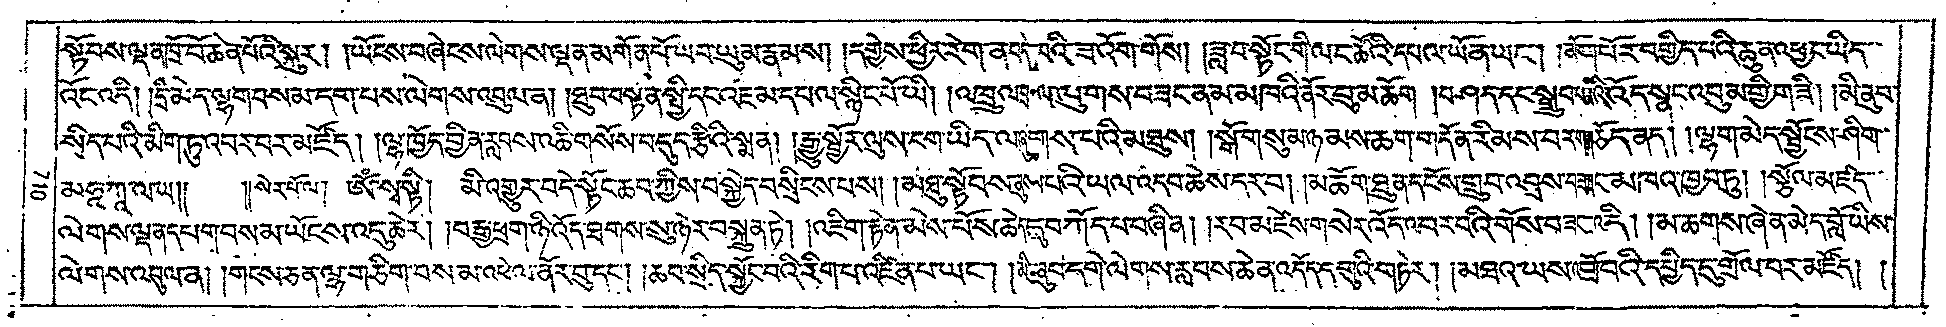སྟོབས་ལྡན་ཁྲོ་བོ་ཆེན་པོའི་སྐུར། །ཡོངས་བཞེངས་ལེགས་ལྡན་མགོན་པོ་ཡབ་ཡུམ་རྣམས། །དགྱེས་ཕྱིར་རེག་ན་བདེ་བའི་ཟ་འོག་གོས། །ཟླ་བ་སྟོང་གི་ལང་ཚོའི་དཔལ་ཡོན་ཡང་། །མོག་པོར་བགྱིད་པའི་ཆུན་འཕྱང་ཡིད་
འོང་འདི། །དྲི་མེད་ལྷག་བསམ་དག་པས་ལེགས་འབུལ་ན། །ཐུབ་བསྟན་སྤྱི་དང་འཇམ་དཔལ་སྙིང་པོ་ཡི། །འཁྲུལ་བྲལ་ལུགས་བཟང་ནམ་མཁའི་ནོར་བུ་མཆོག །བཤད་དང་སྒྲུབ་པའི་འོད་སྣང་འབུམ་གྱི་གཟི། །མི་ནུབ་
སྲིད་པའི་མིག་ཏུ་འབར་བར་མཛོད། །ལྷ་ཁྱོད་བྱིན་རླབས་འཆི་གསོས་བདུད་རྩིའི་སྨན། །རྒྱུ་སྦྱོར་ལུས་ངག་ཡིད་ལ་ཞུགས་པའི་མཐུས། །སྒོ་གསུམ་ཉམས་ཆག་གདོན་རིམས་པར་གཅོད་ནད། །ལྷག་མེད་སྦྱོངས་ཤིག་
མཧཱ་ཀཱ་ལ་ཡ།། །། སེར་པོ་ལ།  ཨོཾ་སྭ་སྟི། མི་འགྱུར་བདེ་སྟོང་ཆབ་ཀྱིས་བསྐྱེད་བསྲིངས་པས། །མཐུ་སྟོབས་ནུས་པའི་ཡལ་འདབ་ཆེས་དར་བ། །མཆོག་ཐུན་དངོས་གྲུབ་འབྲས་བཟང་མཁའ་ཁྱབ་ཏུ། །སྩོལ་མཛད་
ལེགས་ལྡན་དཔག་བསམ་ཡོངས་འདུ་ཆེར། །བརྒྱ་ཕྲག་ཉི་འོད་ཐགས་སུ་ཉེར་བསྐྲུན་ཏེ། །འཇིག་རྟེན་མེས་པོས་ཆེད་དུ་བཀོད་པ་བཞིན། །རབ་མཛེས་གསེར་འོད་འབར་བའི་གོས་བཟང་འདི། །མ་ཆགས་ཞེན་མེད་བློ་ཡིས་
ལེགས་འབུལ་ན། །གངས་ཅན་ལྷ་གཅིག་བསམ་འཕེལ་ནོར་བུ་དང་། །ཆབ་སྲིད་སྐྱོང་བའི་རིག་པ་འཛིན་པ་ཡང་། །མི་ནུབ་དགེ་ལེགས་རླབས་ཆེན་འདོད་དགུའི་གཏེར། །མཐའ་ཡས་འགྲོ་བའི་དཔྱིད་དུ་གྲོལ་བར་མཛོད། །